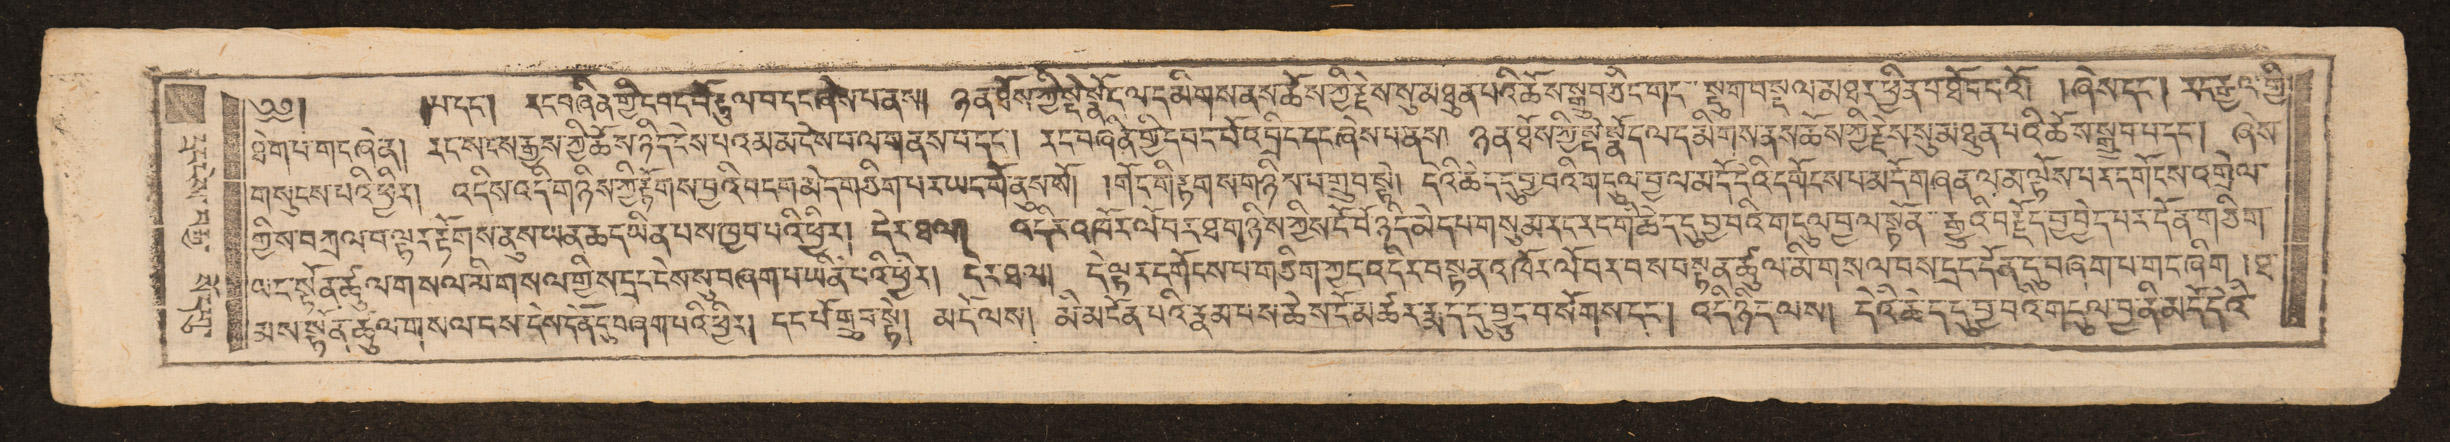༄༅། །པ་དང་། རང་བཞིན་གྱི་དབང་པོ་རྟུལ་བ་དང་ཞེས་པ་ནས། ཉན་ཐོས་ཀྱི་སྡེ་སྣོད་ལ་དམིགས་ནས་ཆོས་ཀྱི་རྗེས་སུ་མཐུན་པའི་ཆོས་སྒྲུབ་ཅིང་གང་སྡུག་བསྔལ་མཐར་ཕྱིན་པ་ཐོབ་པའོ། །ཞེས་དང་། རང་རྒྱལ་གྱི་
ཐེག་པ་གང་ཞེ་ན། རང་སངས་རྒྱས་ཀྱི་ཆོས་ཉིད་ངེས་པའམ་མ་ངེས་པ་ལ་གནས་པ་དང་། རང་བཞིན་གྱི་དབང་པོ་འབྲིང་དང་ཞེས་པ་ནས། ཉན་ཐོས་ཀྱི་སྡེ་སྣོད་ལ་དམིགས་ནས་ཆོས་ཀྱི་རྗེས་སུ་མཐུན་པའི་ཆོས་སྒྲུབ་པ་དང་། ཞེས་
གསུངས་པའི་ཕྱིར། འདིས་འདི་གཉིས་ཀྱི་རྟོགས་བྱའི་བདག་མེད་གཅིག་པར་ཡང་གོ་ནུས་སོ། །གོང་གི་རྟགས་གཉིས་བ་གྲུབ་སྟེ། དེའི་ཆེད་དུ་བྱ་བའི་གདུལ་བྱ་ལ་མདོ་དེའི་དགོངས་པ་མདོ་གཞན་ལ་མ་ལྟོས་པར་དགོངས་འགྲེལ་
གྱིས་བཀྲལ་བ་ལྟར་རྟོགས་ནུས་ཡན་ཆད་ཡིན་པས་ཁྱབ་པའི་ཕྱིར། དེར་ཐལ། འདིར་འཁོར་ལོ་བར་ཐ་གཉིས་ཀྱིས་ངོ་བོ་ཉིད་མེད་པ་གསུམ་རང་རང་གི་ཆེད་དུ་བྱ་བའི་གདུལ་བྱ་ལ་སྟོན་རྒྱུའི་བརྗོད་བྱ་བྱེད་པར་དོན་གཅིག་
ཡང་སྟོན་ཚུལ་གསལ་མི་གསལ་གྱིས་དྲང་ངེས་སུ་བཞག་པ་ཡིན་པའི་ཕྱིར། དེར་ཐལ། དེ་ལྟར་དགོངས་པ་གཅིག་ཀྱང་འདིར་བསྟན་འཁོར་ལོ་བར་བས་བསྟན་ཚུལ་མི་གསལ་བས་དྲང་དོན་དུ་བཞག་པ་གང་ཞིག །ཐ་
མས་སྟོན་ཚུལ་གསལ་བས་དེས་དོན་དུ་བཞག་པའི་ཕྱིར། དང་པོ་གྲུབ་སྟེ། མདོ་ལས། མི་མངོན་པའི་རྣམ་པས་ཆེས་ངོ་མཚར་རྨད་དུ་བྱུང་བ་སོགས་དང་། འདི་ཉིད་ལས། དེའི་ཆེད་དུ་བྱ་བའི་གདུལ་བྱ་ནི་མདོ་དེའི་